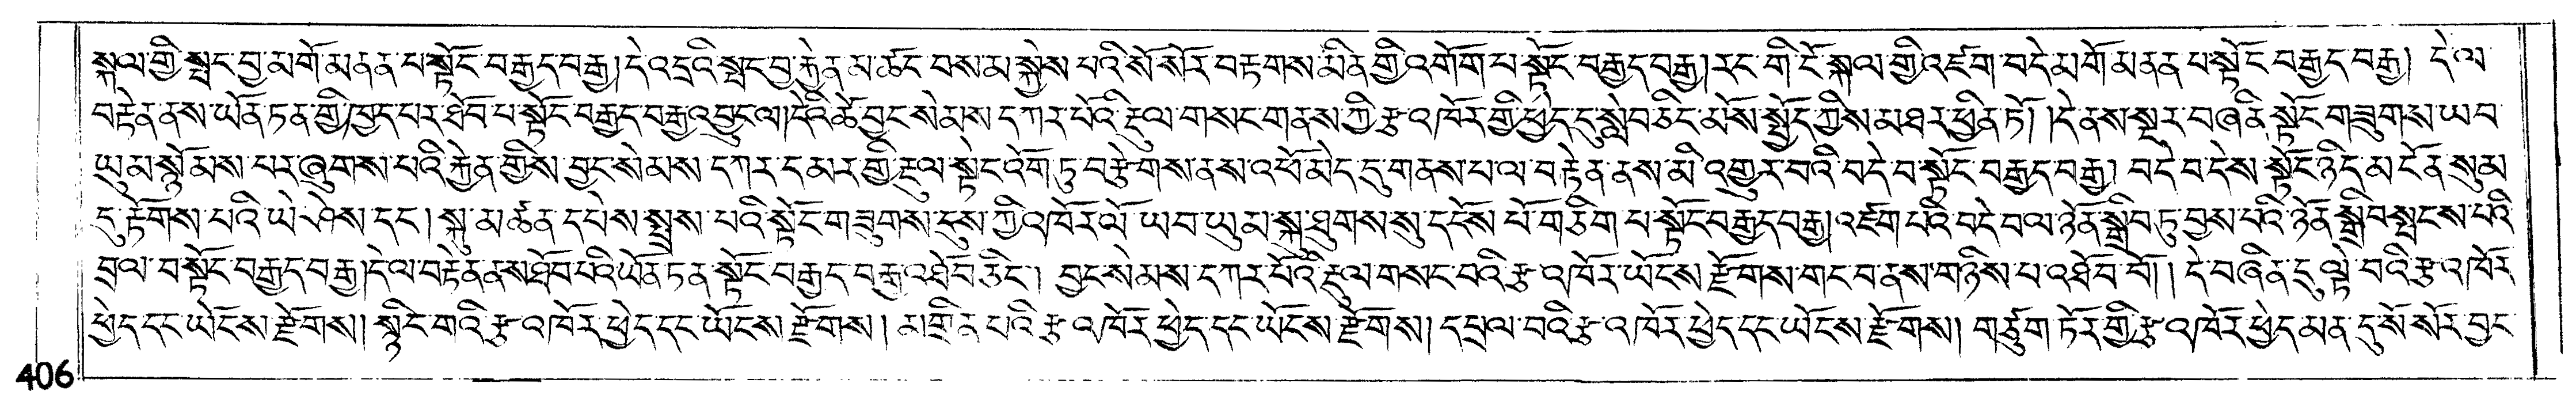སྐལ་གྱི་སྤང་བྱ་མགོ་མནན་པ་སྟོང་བརྒྱད་བརྒྱ། དེ་འདྲའི་སྤང་བྱ་རྐྱེན་མ་ཚང་བས་མ་སྐྱེས་པའི་སོ་སོར་བརྟགས་མིན་གྱི་འགོག་པ་སྟོང་བརྒྱད་བརྒྱ། རང་གི་ངོ་སྐལ་གྱི་འཛག་བདེ་མགོ་མནན་པ་སྟོང་བརྒྱད་བརྒྱ། དེ་ལ་
བརྟེན་ནས་ཡོན་ཏན་གྱི་ཁྱད་པར་ཐོབ་པ་སྟོང་བརྒྱད་བརྒྱ་འབྱུང་ལ། དེའི་ཚེ་བྱང་སེམས་དཀར་པོའི་རྡུལ་གསང་གནས་ཀྱི་རྩ་འཁོར་གྱི་ཕྱེད་དུ་སླེབ་ཅིང་མོས་སྤྱོད་ཀྱིས་མཐར་ཕྱིན་ཏོ། །དེ་ནས་སྔར་བཞིན་སྟོང་གཟུགས་ཡབ་
ཡུམ་སྙོམས་པར་ཞུགས་པའི་རྐྱེན་གྱིས་བྱང་སེམས་དཀར་དམར་གྱི་རྡུལ་སྟེང་འོག་ཏུ་བརྩེགས་ནས་འཕོ་མེད་དུ་གནས་པ་ལ་བརྟེན་ནས་མི་འགྱུར་བའི་བདེ་བ་སྟོང་བརྒྱད་བརྒྱ། བདེ་བ་དེས་སྟོང་ཉིད་མངོན་སུམ་
དུ་རྟོགས་པའི་ཡེ་ཤེས་དང་། སྐུ་མཚན་དཔེས་སྤྲས་པའི་སྟོང་གཟུགས་དུས་ཀྱི་འཁོར་ལོ་ཡབ་ཡུམ་སྐུ་ཐུགས་སུ་དངོས་པོ་གཅིག་པ་སྟོང་བརྒྱད་བརྒྱ། འཛག་པའི་བདེ་བ་ལ་ཉོན་སྒྲིབ་ཏུ་བྱས་པའི་ཉོན་སྒྲིབ་སྤངས་པའི་
བྲལ་བ་སྟོང་བརྒྱད་བརྒྱ། དེ་ལ་བརྟེན་ནས་ཐོབ་པའི་ཡོན་ཏན་སྟོང་བརྒྱད་བརྒྱ་འཐོབ་ཅིང་། བྱང་སེམས་དཀར་པོའི་རྡུལ་གསང་བའི་རྩ་འཁོར་ཡོངས་རྫོགས་གང་བ་ནས་གཉིས་པ་འཐོབ་བོ། །དེ་བཞིན་དུ་ལྟེ་བའི་རྩ་འཁོར་
ཕྱེད་དང་ཡོངས་རྫོགས། སྙིང་གའི་རྩ་འཁོར་ཕྱེད་དང་ཡོངས་རྫོགས། མགྲིན་པའི་རྩ་འཁོར་ཕྱེད་དང་ཡོངས་རྫོགས། དཔྲལ་བའི་རྩ་འཁོར་ཕྱེད་དང་ཡོངས་རྫོགས། གཙུག་ཏོར་གྱི་རྩ་འཁོར་ཕྱེད་མན་དུ་སོ་སོར་བྱང་